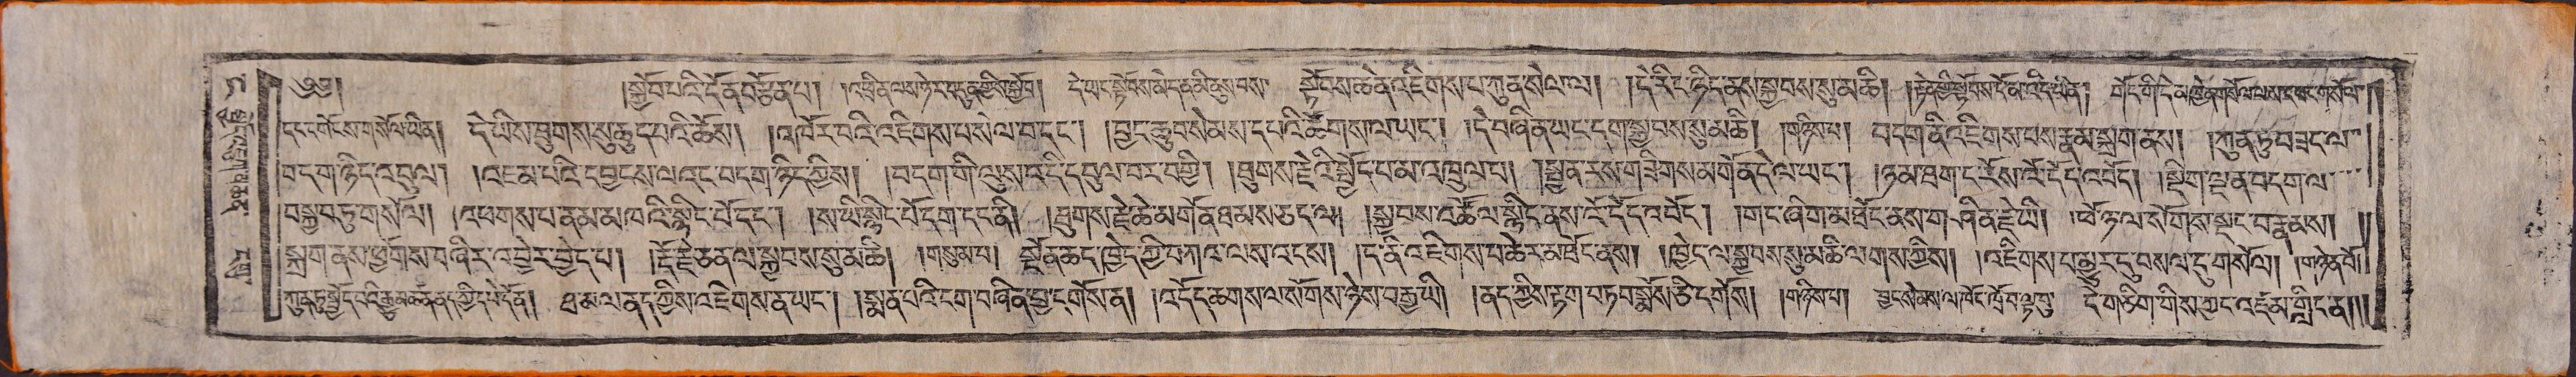༄༅། །སྐྱོབ་པའི་དོན་བརྩོན་པ། །འཕྲིན་ལས་ཉེར་བདུན་གྱིས་སྐྱོབ། དེ་ཡང་སྟོབས་མེད་ན་མི་ནུས་པས་སྟོབས་ཆེན་འཇིགས་པ་ཀུན་སེལ་ལ། །དེ་རིང་ཉིད་ནས་སྐྱབས་སུ་མཆི། །རྟེན་གྱི་སྟོབས་ངོ་མ་འདི་ཡིན། གོང་གི་དེ་མཁྱེན་གསོལ་ལས་དབང་གསོལ་
དང་དགོངས་གསོལ་ཡིན། དེ་ཡིས་ཐུགས་སུ་ཆུད་པའི་ཆོས། །འཁོར་བའི་འཇིགས་པ་སེལ་བ་དང་། །བྱང་ཆུབ་སེམས་དཔའི་ཚོགས་ལ་ཡང་། །དེ་བཞིན་ཡང་དག་སྐྱབས་སུ་མཆི། །གཉིས་པ།  བདག་ནི་འཇིགས་པས་རྣམ་སྐྲག་ནས། །ཀུན་ཏུ་བཟང་ལ་
བདག་ཉིད་འབུལ། །འཇམ་པའི་དབྱངས་ལའང་བདག་ཉིད་ཀྱིས། །བདག་གི་ལུས་འདི་དབུལ་བར་བགྱི། །ཐུས་རྗེའི་སྤྱོད་པ་མ་འཁྲུལ་བ། །སྤྱན་རས་གཟིགས་མགོན་དེ་ལ་ཡང་། །ཉམ་ཐག་ང་རོས་འོ་དོད་འབོད། །སྡིག་ལྡན་བདག་ལ་
བསྐྱབ་ཏུ་གསོལ། །འཕགས་པ་ནམ་མཁའི་སྙིང་པོ་དང་། །ས་ཡི་སྙིང་པོ་དག་དང་ནི། །ཐུགས་རྗེ་ཆེ་མགོན་ཐམས་ཅད་ལ། །སྐྱབས་འཚོལ་སྙིང་ནས་འོ་དོད་འབོད། །གང་ཞིག་མཐོང་ནས་གཤིན་རྗེ་ཡི། །ཕོ་ཉ་ལ་སོགས་སྡང་བ་རྣམས།
སྐྲག་ནས་ཕྱོགས་བཞུར་འབྱེར་བྱེད་པ། །རྡོ་རྗེ་ཅན་ལ་སྐྱབས་སུ་མཆི། །གསུམ་པ།  སྔོན་ཆད་ཁྱེད་ཀྱི་བཀའ་ལས་འདས། །ད་ནི་འཇིགས་པ་ཆེར་མཐོང་ནས། །ཁྱེད་ལ་སྐྱབས་སུ་མཆི་ལགས་ཀྱིས། །འཇིགས་པ་མྱུར་དུ་བསལ་དུ་གསོལ། །གཉེན་པོ་
ཀུན་ཏུ་སྤྱོད་པའི་རྒྱུ་མཚན་ནད་ཀྱི་དཔེ་དོན། ཐ་མལ་ནད་ཀྱིས་འཇིགས་ན་ཡང་། །སྨན་པའི་ངག་བཞིན་བྱ་དགོས་ན། །འདོད་ཆག་ཟླ་སོགས་ཉེས་བརྒྱ་ཡི། །ནད་ཀྱིས་བཏབ་སྨོས་ཅི་དགོས། །གཉིས་པ། བྱང་སེམས་ལ་ཁོང་ཁྲོ་ལྟ་བུ་དེ་གཅིག་གིས་ཀྱང་འཛམ་གླིང་ན་